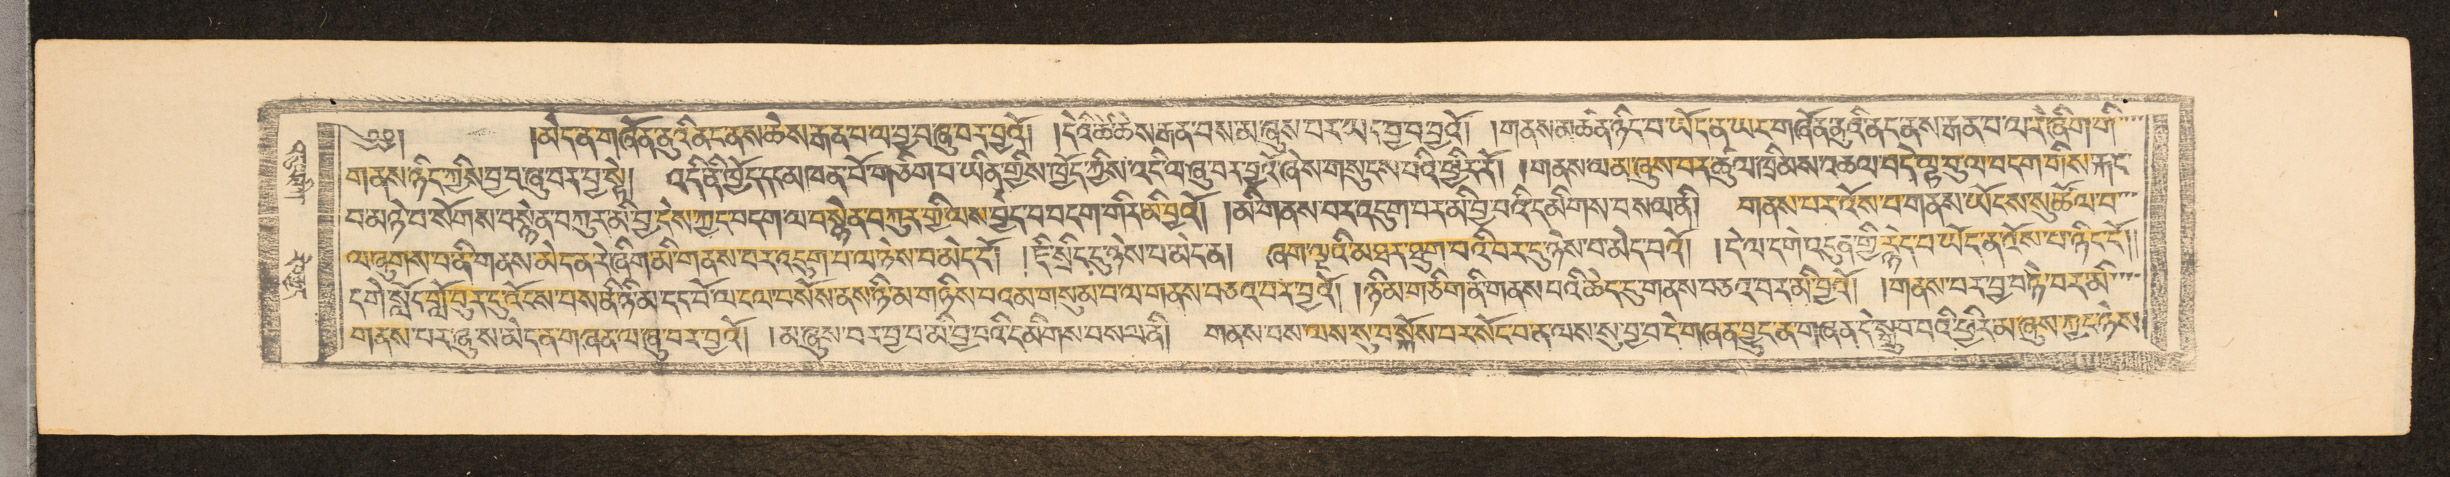༄༅། །མེད་ན་གཞོན་ནུའི་ནང་ནས་ཆེས་རྒན་པ་ལ་བྱ་བ་ཞུ་བར་བྱའོ། །དེའི་ཚེ་ཆེས་རྒན་པས་མ་ཞུས་པར་ཡང་བྱ་བ་བྱའོ། །གནས་མཚན་ཉིད་པ་ཡོད་ན་ཡང་གཞོན་ནུའི་ནང་ནས་རྒན་པ་ལ་རེ་ཞིག་གི་
གནས་ཉིད་ཀྱིས་བྱ་བ་ཞུ་བར་བྱ་སྟེ། འདི་ནི་ཁྱོད་དང་མཁན་པོ་གཅིག་པ་ཡིན་གྱིས་ཁྱོད་ཀྱིས་འདི་ལ་ཞུ་བར་བྱའོ་ཞེས་གསུངས་བའི་ཕྱིར་རོ། །གནས་ལ་མ་ཞུས་པར་ཚུལ་ཁྲིམས་འཆལ་བ་དེ་ལྟ་བུ་ལ་བདག་གིས་རྐད་
པ་མཉེ་བ་སོགས་བསྙེན་བཀུར་མི་བྱ་དེས་ཀྱང་བདག་ལ་བསྙེན་བཀུར་གྱི་ལས་བྱེད་པ་བདག་གིར་མི་བྱའོ། །མི་གནས་པར་འདུག་པར་མི་བྱ་བའི་དམིགས་བསལ་ནི། གནས་པར་འོས་པ་གནས་ཡོངས་སུ་ཚོལ་བ་
ལ་ཞུགས་པ་ནི་གནས་མེད་ན་རེ་ཞིག་མི་གནས་པར་འདུག་བ་ལ་ཉེས་པ་མེད་དོ། །ཇི་སྲིད་དུ་ཉེས་པ་མེད་ན། ཞག་ལྔའི་མཐར་ཐུག་པའི་བར་དུ་ཉེས་བ་མེད་བའོ། །དེ་ལ་དགེ་འདུན་གྱི་རྙེད་པ་ཡོད་ན་འོས་པ་ཉིད་དོ།།
དགེ་སློང་གློ་བུར་དུ་འོངས་པས་ནི་ཉི་མ་དང་བོ་ལ་དལ་བསོས་ནས་ཉི་མ་གཉིས་པའམ་གསུམ་པ་ལ་གནས་བཅའ་བར་བྱའོ། །ཉི་མ་གཅིག་ནི་གནས་པའི་ཆེད་དུ་གནས་བཅའ་བར་མི་བྱའོ། །གནས་བར་བྱ་བ་ཉེ་བར་ཡི་
གནས་བར་ཞུ་ས་མེད་ན་གཞན་ལ་ཞུ་བར་བྱའོ། །མ་ཞུས་པར་བྱ་བ་མི་བྱ་བའི་དམིགས་བསལ་ནི། གནས་བས་ལས་སུ་བསྐོས་པར་སོང་བ་ན་ལས་སུ་བྱ་བ་དེ་གཞན་བྱུང་ན་གཞན་དེ་སྒྲུབ་པའི་ཕྱིར་མ་ཞུས་ཀྱང་ཉེས་